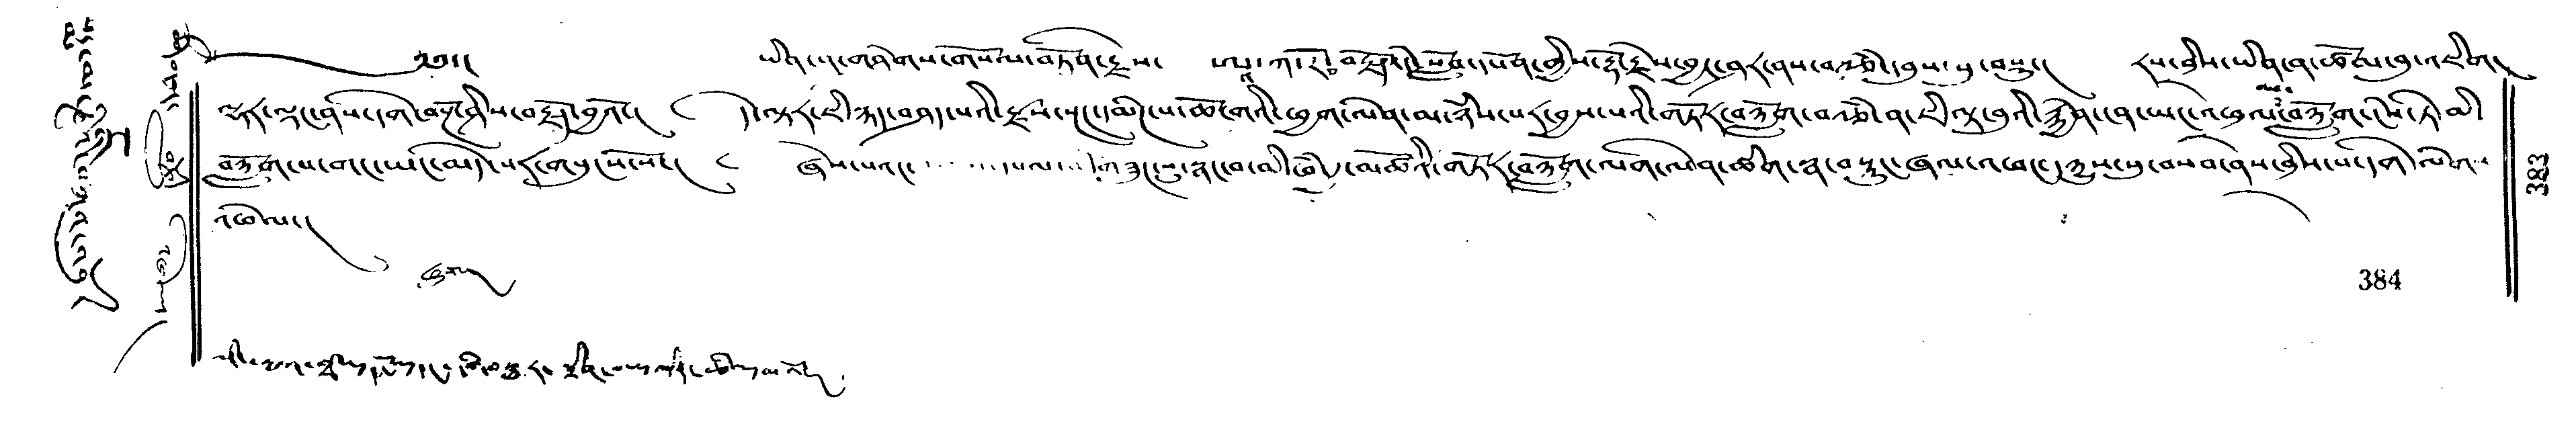ཡིན་ན་གཤེགས་གསོལ་བཏོན་རྗེས། ཨཱ་ཀ་རོ་བརྗོད་དེ་སློབ་དཔོན་གྱིས་རྡོ་རྗེས་བྱང་ཤར་ནས་བརྩམས་དབུས་སུ་བསྡུ། རས་བྲིས་ཡིན་ན་ཚོམ་བུ་འཇིག 
ལྷར་ལྡང་ནས་དགེ་བསྔོ་ཤིས་བརྗོད་བྱའོ། དེ་ལྟར་ཇི་སྐད་བཤད་པའི་རྫས་སྔགས་དམིགས་པ་ཆོ་གའི་ཕྱག་ལེན་མ་ཉམས་པར་བྱས་པའི་གཏོར་བཟློག་བརྩམས་ན་ཇི་ལྟ་བུའི་རྐྱེན་ངན་ཡང་འཕྲལ་ལ་བཟློག་ངེས་ཏེ་མི་
བཟློག་པ་གང་ཡང་མེད་པར་གསུངས་སོ།། ཞེས་པའང་འཇམ་དཔལ་མི་ཡི་གཟུགས་སུ་སྣང་བ་མི་ཕམ་རྒྱ་མཚོའི་གཏོར་བཟློག་ལག་ལེན་ཚིག་སྣ་བསྟུང་། ཞལ་འཕང་དཀྱུས་སུ་བསབས་ནས་བྲིས་པ་དགེ་ལེགས་
འཕེལ།། དགེའོ།།